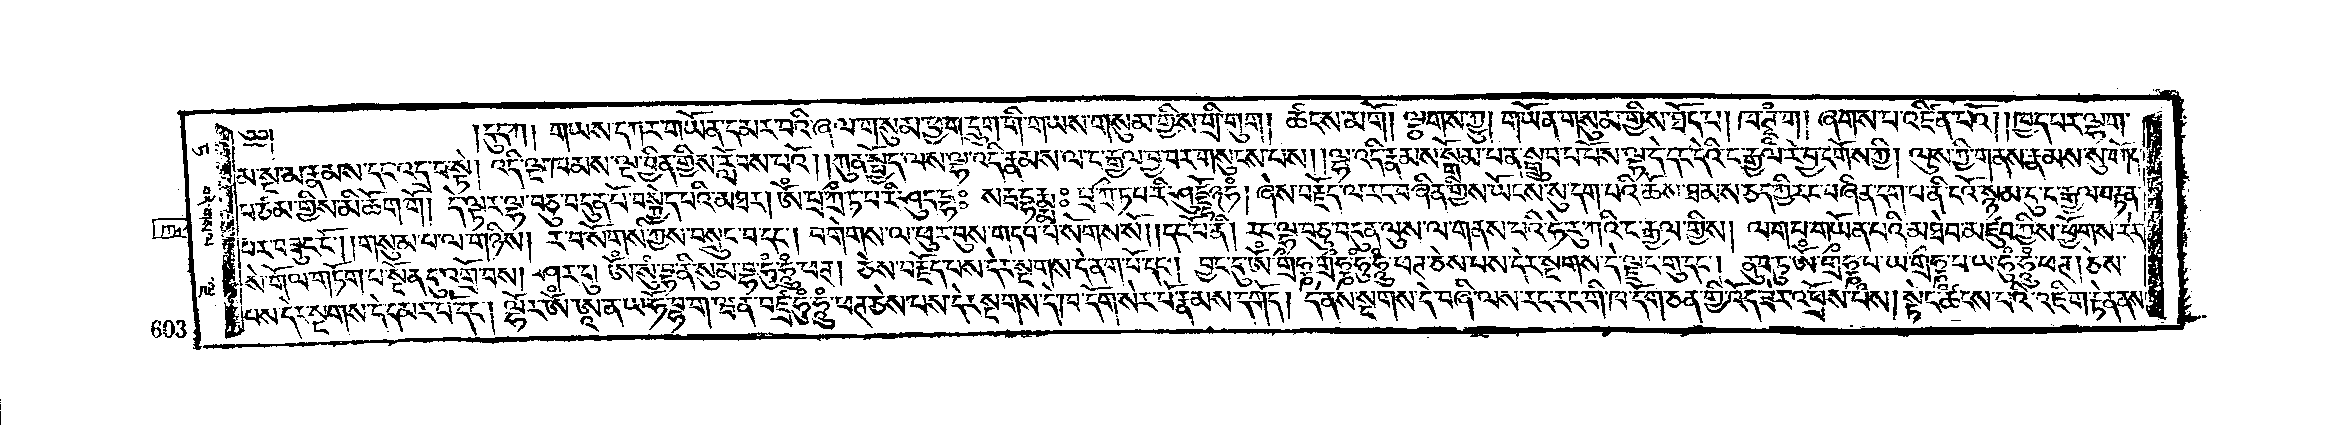༄༅། །དུད་ཀ། གཡས་དཀར་གཡོན་དམར་བའི་ཞལ་གསུམ་ཕྱག་དྲུག་གི་གཡས་གསུམ་གྱིས་གྲི་གུག །ཚངས་མགོ །ལྕགས་ཀྱུ། གཡོན་གསུམ་གྱིས་ཐོད་པ། ཁ་ཊྭཱཾ་ག །ཞགས་པ་འཛིན་པའོ། །ཁྱད་པར་ལྷག་
མ་སྔ་མ་རྣམས་དང་འདྲ་བ་སྟེ། འདི་ལྔ་ཁམས་ལྔ་བྱིན་གྱིས་རློབས་པའོ། །ཀུན་སྤྱོད་ལས་ལྷ་འདི་རྣམས་ལ་ང་རྒྱལ་བྱ་བར་གསུངས་པས། །ལྷ་འདི་རྣམས་སྒོམ་པ་ན་སྒྲུབ་པ་པོས་ལྷ་དེ་དང་དེའི་ང་རྒྱལ་རེ་བྱ་དགོས་ཀྱི། ལུས་ཀྱི་གནས་རྣམས་སུ་བཀོད་
པ་ཙམ་གྱིས་མི་ཆོག་གོ །དེ་ལྟར་ལྷ་བཅུ་བདུན་པོ་བསྐྱེད་པའི་མཐར། ཨོཾ་པྲ་ཀྲྀ་ཏ་པ་རི་ཤུད་དྷཿ སརྦ་དྷརྨྨཿ པྲ་ཀྲྀ་ཏ་པ་རི་ཤུདྡྷཉྷཾ། ཞེས་བརྗོད་ལ་རང་བཞིན་གྱིས་ཡོངས་སུ་དག་པའི་ཆོས་ཐམས་ཅད་ཀྱི་རང་བཞིན་དག་པ་ནི་ངའོ་སྙམ་དུ་ང་རྒྱལ་བརྟེན་
པར་བཟུང་ངོ། །གསུམ་པ་ལ་གཉིས། ར་བ་སོགས་ཀྱིས་བསྲུང་བ་དང་། བགེགས་ལ་ཕུར་བུས་གདབ་པ་སོགས་སོ། །དང་པོ་ནི། རང་ལྷ་བཅུ་བདུན་ལུས་ལ་གནས་པའི་ཧེ་རུ་ཀའི་ང་རྒྱལ་གྱིས། ལག་པ་གཡོན་པའི་མཐེབ་མཛུབ་ཀྱིས་ཕྱོགས་རེར་
སེ་གོལ་གཏོག་པ་སྔོན་དུ་འགྲོ་བས། ཤར་དུ། ཨོཾ་སུཾ་བྷ་ནི་སུམ་བྷ་ཧུཾ་ཧཱུཾ་ཕཊ། ཅེས་བརྗོད་པས་དེར་སྔགས་དེ་ནག་པོ་དང་། བྱང་དུ་ཨོཾ་གྲྀཧྞ་ཧུཾ་ཧཱུཾ་ཕཊ་ཅེས་པས་དེར་སྔགས་དེ་ལྗང་གུ་དང་། ནུབ་ཏུ་ཨོཾ་གྲྀཧྞ་པ་ཡ་གྲྀཧྞཱ་པ་ཡ་ཧུཾ་ཧཱུཾ་ཕཊ། ཅེས་
པས་དེར་སྔགས་དེ་དམར་པོ་དང་། ལྷོར་ཨོཾ་ཨཱ་ན་ཡ་ཧོ་བྷ་ག་ཝན་བཛྲ་ཧུཾ་ཧཱུཾ་ཕཊ་ཅེས་པས་དེར་སྔགས་དེ་ཁ་དོག་སེར་པོ་རྣམས་དགོད། དེ་ནས་སྔགས་དེ་བཞི་ལས་རང་རང་གི་ཁ་དོག་ཅན་གྱི་འོད་ཟེར་འཕྲོས་པས། སྟེང་ཚངས་པའི་འཇིག་རྟེན་ནས་